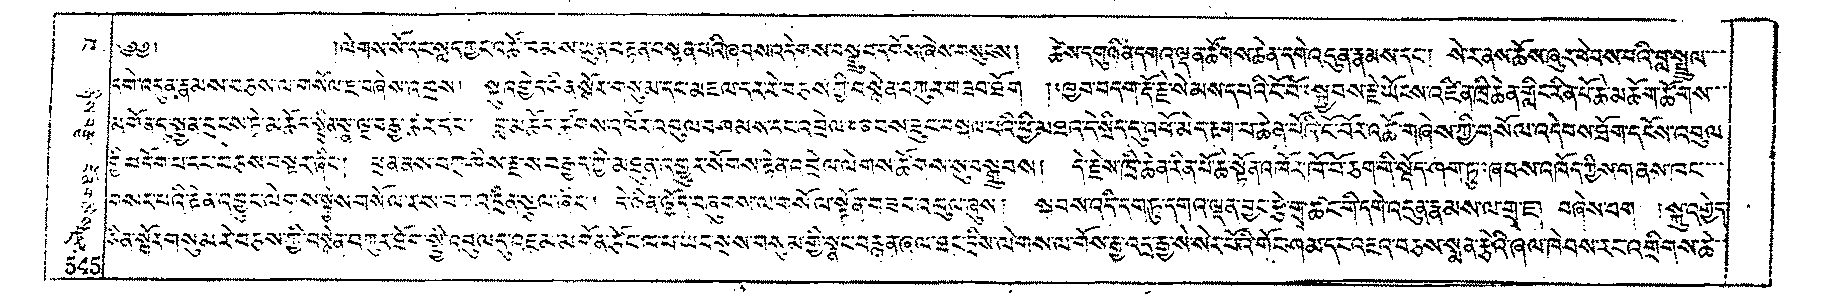༄༅། །ལེགས་སོ་དང་སླད་ཀྱང་འཚོ་ཁམས་ཡུན་བརྟན་བསྟན་པའི་ཞབས་འདེགས་བསྒྲུབ་དགོས་ཞེས་གསུངས། ཚེས་དགུ་ཉིན་དགའ་ལྡན་ཚོགས་ཆེན་དགེ་འདུན་རྣམས་དང་། སེ་ར་ནས་ཆོས་ཞུར་ཕེབས་པའི་བླ་སྤྲུལ་
དགེ་འདུན་རྣམས་བཅས་ལ་གསོལ་ཇ་བཞེས་འབྲས། སྐུ་འགྱེད་ཧིན་སྒོར་གསུམ་དང་མཇལ་དར་རེ་བཅས་ཀྱི་བསྙེན་བཀུར་གཟབ་ཐོག །༧ཁྱབ་བདག་རྡོ་རྗེ་སེམས་དཔའི་ངོ་བོ་༧སྐྱབས་རྗེ་ཡོངས་འཛིན་ཁྲི་ཆེན་གླིང་རིན་པོ་ཆེ་མཆོག་ཚོགས་
མགོན་དུ་སྤྱན་དྲངས་ཏེ་མཆོད་སྤྲིན་སྣ་ལྔ་བརྒྱ་ཚར་དང་། བླ་མཆོད་ཚོགས་འཁོར་འབུལ་བཤམས་དང་འབྲེལ་༧ཞབས་ཟུང་བསྐལ་པའི་ཕྱི་མཐའ་དེ་སྲིད་དུ་འཕོ་མེད་རྟག་པ་ཆེན་པོའི་ངོ་བོར་འཚོ་གཞེས་ཀྱི་གསོལ་འདེབས་ཐོག་དངོས་འབུལ་
གྱི་བདོག་པ་དང་བཅས་བསྟར་ཞིང་། ཕྲན་ནས་བཀྲ་ཤིས་རྫས་བརྒྱད་ཀྱི་མཐུན་འགྱུར་སོགས་རྟེན་འབྲེལ་ལེགས་ཚོགས་སུ་བསྒྲུབས། དེ་རྗེས་ཁྲི་ཆེན་རིན་པོ་ཆེ་སྟོན་འཁོར་ཁོ་བོ་ཅག་གི་སྡོད་ཤག་ཏུ་༧ཞབས་འཁོད་ཀྱིས་གནས་ཁང་
གསར་པའི་རྟེན་འབྱུང་ལེགས་སྐྱེས་གསོལ་རས་བཀའ་དྲིན་སྩལ་ཞིང་། དེ་ཉིན་ལྷོད་བཞུགས་ལ་གསོལ་སྟོན་གཞབ་འབུལ་ཞུས། སྐབས་འདི་དག་ཏུ་དགའ་ལྡན་བྱང་རྩེ་གྲྭ་ཚང་གི་དགེ་འདུན་རྣམས་ལ་གྲྭ་ཇ། བཞེས་བག །སྐུ་འགྱེད་
ཧིན་སྒོར་གསུམ་རེ་བཅས་ཀྱི་བསྙེན་བཀུར་ཐོག་སྤྱི་འབུལ་དུ་འཇམ་མགོན་ཙོང་ཁ་པ་ཡབ་སྲས་གསུམ་གྱི་སྣང་བརྙན་ཞལ་ཐང་བྲིས་ལེགས་ལ་གོས་རྒྱ་འདྲ་རྒྱ་སེ་སེར་པོའི་གོང་ཤམ་དང་འཇའ་བཅས་སྨན་རྩེའི་ཞལ་ཁེབས་རང་འགྲིགས་ཆེ་